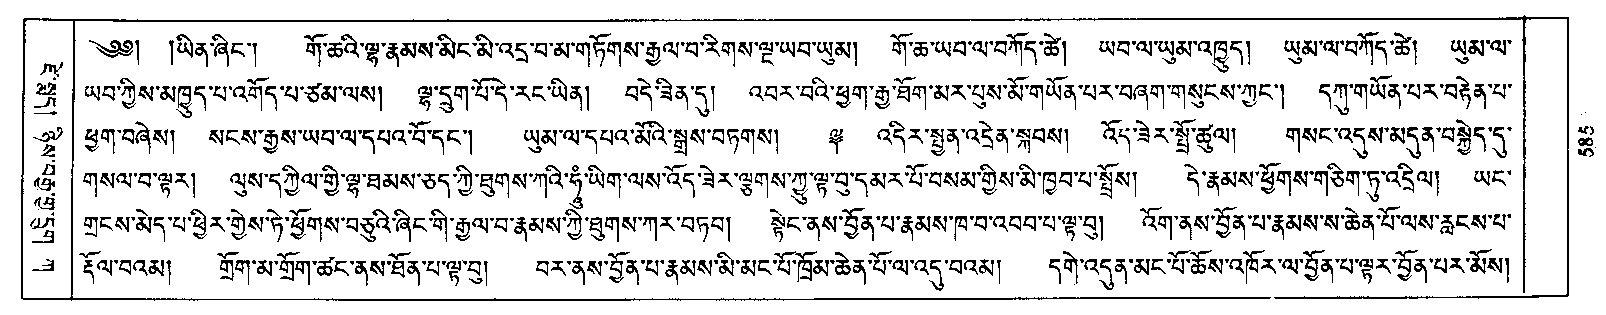༄༅། །ཡིན་ཞིང་། གོ་ཆའི་ལྷ་རྣམས་མིང་མི་འདྲ་བ་མ་གཏོགས་རྒྱལ་བ་རིགས་ལྔ་ཡབ་ཡུམ། གོ་ཆ་ཡབ་ལ་བཀོད་ཚེ། ཡབ་ལ་ཡུམ་འཁྱུད། ཡུམ་ལ་བཀོད་ཚེ། ཡུམ་ལ་
ཡབ་ཀྱིས་མཁྱུད་པ་འགོད་པ་ཙམ་ལས། ལྷ་དྲུག་པོ་དེ་རང་ཡིན། བདེ་ཟིན་དུ། འབར་བའི་ཕྱག་རྒྱ་ཐོག་མར་པུས་མོ་གཡོན་པར་བཞག་གསུངས་ཀྱང་། དཀུ་གཡོན་པར་བརྟེན་པ་
ཕྱག་བཞེས། སངས་རྒྱས་ཡབ་ལ་དཔའ་བོ་དང་། ཡུམ་ལ་དཔའ་མོའི་སྒྲས་བཏགས། ༈ འདིར་སྤྱན་འདྲེན་སྐབས། འོད་ཟེར་སྤྲོ་ཚུལ། གསང་འདུས་མདུན་བསྐྱེད་དུ་
གསལ་བ་ལྟར། ལུས་དཀྱིལ་གྱི་ལྷ་ཐམས་ཅད་ཀྱི་ཐུགས་ཀའི་ཧཱུཾ་ཡིག་ལས་འོད་ཟེར་ལྕགས་ཀྱུ་ལྟ་བུ་དམར་པོ་བསམ་གྱིས་མི་ཁྱབ་པ་སྤྲོས། དེ་རྣམས་ཕྱོགས་གཅིག་ཏུ་འདྲིལ། ཡང་
གྲངས་མེད་པ་ཕྱིར་གྱིས་ཏེ་ཕྱོགས་བཅུའི་ཞིང་གི་རྒྱལ་བ་རྣམས་ཀྱི་ཐུགས་ཀར་བཏབ། སྟེང་ནས་བྱོན་པ་རྣམས་ཁ་བ་འབབ་པ་ལྟ་བུ། འོག་ནས་བྱོན་པ་རྣམས་ས་ཆེན་པོ་ལས་རླངས་པ་
རྡོལ་བའམ། གྲོག་མ་གྲོག་ཚང་ནས་ཐོན་པ་ལྟ་བུ། བར་ནས་བྱོན་པ་རྣམས་མི་མང་པོ་ཁྲོམ་ཆེན་པོ་ལ་འདུ་བའམ། དགེ་འདུན་མང་པོ་ཆོས་འཁོར་ལ་བྱོན་པ་ལྟར་བྱོན་པར་མོས།